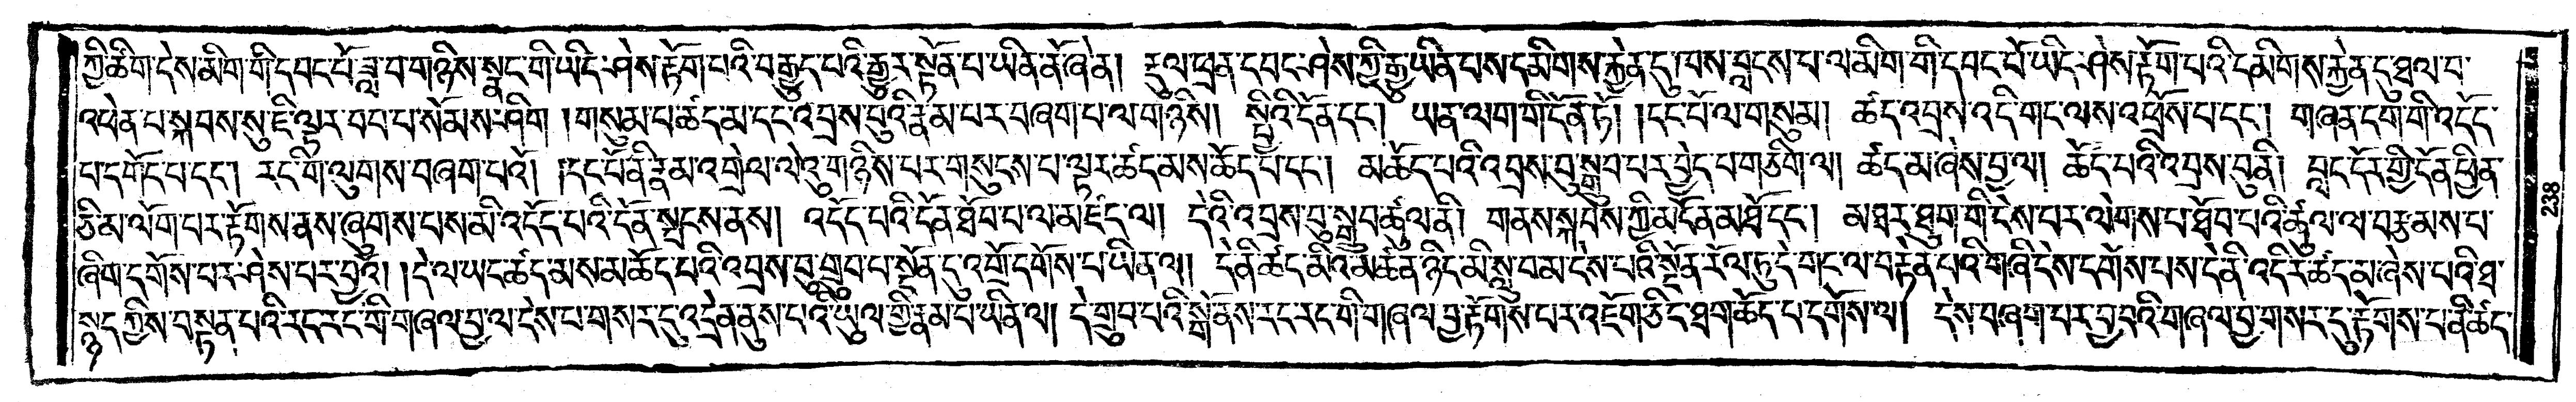ཀྱི་ཚིག་དེས་མིག་གི་དབང་པོ་ཟླ་བ་གཉིས་སྣང་གི་ཡིད་ཤེས་རྟོག་པའི་བརྒྱུད་པའི་རྒྱུར་སྟོན་པ་ཡིན་ནོ་ཞེ་ན། རྡུལ་ཕྲན་དབང་ཤེས་ཀྱི་རྒྱུ་ཡིན་པས་དམིགས་རྐྱེན་དུ་ཁས་བླངས་པ་ལ་མིག་གི་དབང་པོ་ཡིད་ཤེས་རྟོག་པའི་དམིགས་རྐྱེན་དུ་ཐལ་བ་
འཕེན་པ་སྐབས་སུ་ཇི་ལྟར་བབ་པ་སོམས་ཤིག །གསུམ་པ་ཚད་མ་དང་འབྲས་བུའི་རྣམ་པར་བཞག་པ་ལ་གཉིས། སྤྱིའི་དོན་དང་། ཡན་ལག་གི་དོན་ཏོ། །དང་པོ་ལ་གསུམ། ཚད་འབྲས་འདི་གང་ལས་འཕྲོས་པ་དང་། གཞན་དག་གི་འདོད་
པ་དགོད་པ་དང་། རང་གི་ལུགས་བཞག་པའོ། །དང་པོ་ནི་རྣམ་འགྲེལ་ལེའུ་གཉིས་པར་གསུངས་པ་ལྟར་ཚད་མས་ཆོད་པ་དང་། མཆོད་པའི་འབྲས་བུ་སྒྲུབ་པར་བྱེད་པ་གཅིག་ལ། ཚད་མ་ཞེས་བྱ་ལ། ཆོད་པའི་འབྲས་བུ་ནི། བླང་དོར་གྱི་དོན་ཕྱིན་
ཅི་མ་ལོག་པར་རྟོགས་ནས་ཞུགས་པས་མི་འདོད་པའི་དོན་སྤངས་ནས། འདོད་པའི་དོན་ཐོབ་པ་ལ་མཛད་ལ། དེའི་འབྲས་བུ་སྒྲུབ་ཚུལ་ནི། གནས་སྐབས་ཀྱི་མངོན་མཐོ་དང་། མཐར་ཐུག་གི་ངེས་པར་ལེགས་པ་ཐོབ་པའི་ཚུལ་ལ་བརྩམས་པ་
ཞིག་དགོས་པར་ཤེས་པར་བྱའོ། །དེ་ལ་ཡང་ཚད་མས་མཆོད་པའི་འབྲས་བུ་གྲུབ་པ་སྔོན་དུ་འགྲོ་དགོས་པ་ཡིན་ལ། དེ་ནི་ཚད་མའི་མཚན་ཉིད་མི་སླུ་བ་མ་ངེས་པའི་སྔོན་རོལ་ཏུ་དེ་གང་ལ་བརྟེན་པའི་གཞི་དེས་དགོས་པས་དེ་ནི་འདིར་ཚད་མ་ཞེས་པའི་ཐ་
སྙད་ཀྱིས་བསྟན་པའི་རང་རང་གི་གཞལ་བྱ་ལ་ངེས་པ་གསར་དུ་འདྲེན་ནུས་པའི་ཡུལ་གྱི་རྣམ་པ་ཡིན་ལ། དེ་གྲུབ་པའི་སྒོ་ནས་རང་རང་གི་གཞལ་བྱ་རྟོགས་པར་འཇོག་ཅིང་ཐག་ཆོད་པ་དགོས་ལ། དེས་བཞག་པར་བྱ་བའི་གཞལ་བྱ་གསར་དུ་རྟོགས་པ་ནི་ཚད་